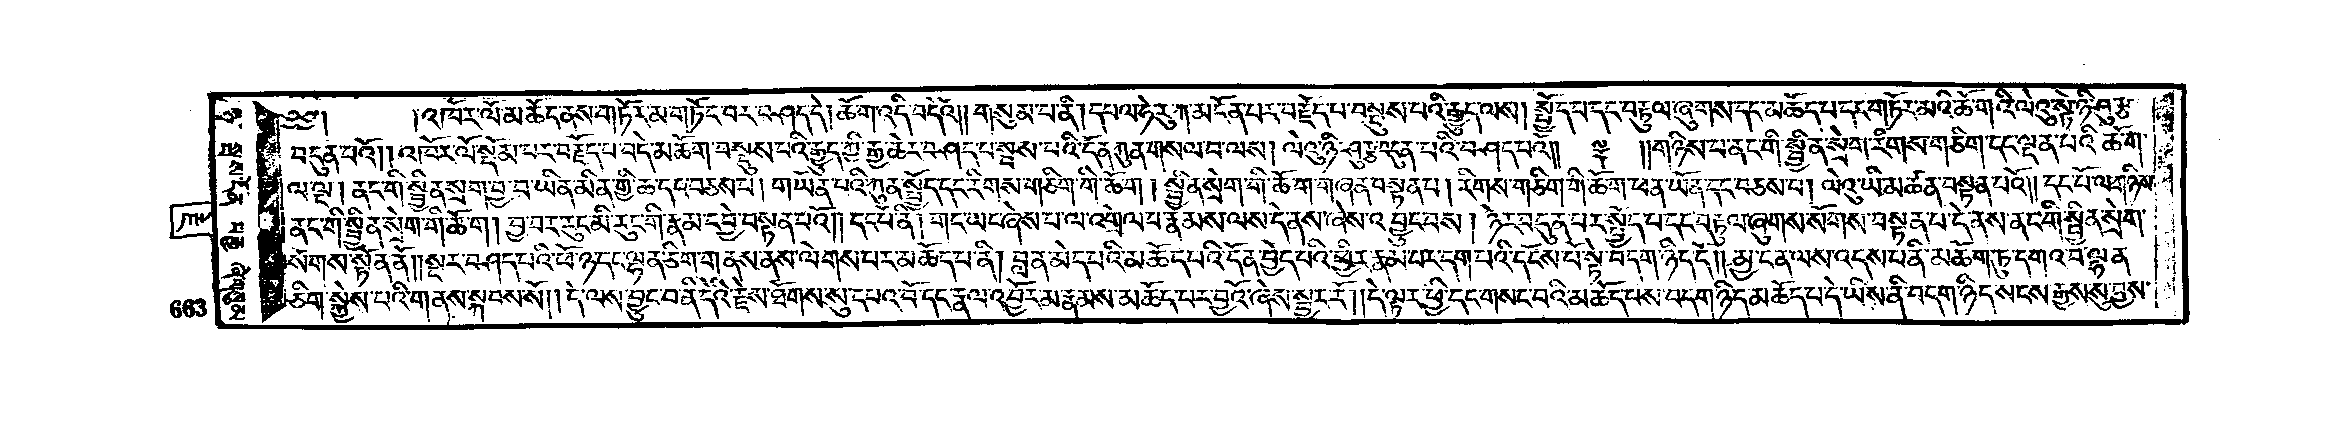༄༅། །འཁོར་ལོ་མཆོད་ནས་གཏོར་མ་གཏོང་བར་བཤད་དེ། ཆོ་ག་འདི་བདེའོ། །གསུམ་པ་ནི། དཔལ་ཧེ་རུ་ཀ་མངོན་པར་བརྗོད་པ་བསྡུས་པའི་རྒྱུད་ལས། སྤྱོད་པ་དང་བརྟུལ་ཞུགས་དང་མཆོད་པ་དང་གཏོར་མའི་ཆོ་གའི་ལེའུ་སྟེ་ཉི་ཤུ་རྩ་
བདུན་པའོ། །འཁོར་ལོ་སྡོམ་པར་བརྗོད་པ་བདེ་མཆོག་བསྡུས་པའི་རྒྱུད་ཀྱི་རྒྱ་ཆེར་བཤད་པ་སྦས་པའི་དོན་ཀུན་གསལ་བ་ལས། ལེའུ་ཉི་ཤུ་རྩ་བདུན་པའི་བཤད་པའོ།། ༈ །།གཉིས་པ་ནང་གི་སྦྱིན་སྲེག་རིགས་གཅིག་དང་ལྡན་པའི་ཆོ་ག་
ལ་ལྔ། ནང་གི་སྦྱིན་སྲེག་བྱ་བ་ཡིན་མིན་གྱི་ཆ་དང་བཅས་པ། གཡོན་པའི་ཀུན་སྤྱོད་དང་རིགས་གཅིག་གི་ཆོ་ག །སྦྱིན་སྲེག་གི་ཆོ་ག་གཞན་བསྟན་པ། རིགས་གཅིག་གི་ཆོ་ག་ཕན་ཡོན་དང་བཅས་པ། ལེའུ་ཡི་མཚན་བསྟན་པའོ། །དང་པོ་ལ་གཉིས་
ནང་གི་སྦྱིན་སྲེག་གི་ཆོ་ག །བྱ་བར་རུང་མི་རུང་གི་རྣམ་དབྱེ་བསྟན་པའོ། །དང་པོ་ནི། གང་ཡང་ཞེས་པ་ལ་འགྲེལ་པ་རྣམས་ལས་དེ་ནས་ཞེས་འབྱུང་བས། ཉེར་བདུན་པར་སྤྱོད་པ་དང་བརྟུལ་ཞུགས་སོགས་བསྟན་པ་དེ་ནས་ནང་གི་སྦྱིན་སྲེག་
སོགས་སྟོན་ནོ། །སྔར་བཤད་པའི་ཕོ་ཉ་དང་ལྷན་ཅིག་གནས་ནས་ལེགས་པར་མཆོད་པ་ནི། བླ་ན་མེད་པའི་མཆོད་པའི་དོན་བྱེད་པའི་ཕྱིར་རྣམ་པར་དག་པའི་དངོས་པོ་སྟེ་བདག་ཉིད་དོ། །མྱ་ངན་ལས་འདས་པ་ནི་མཆོག་ཏུ་དགའ་བ་ལྷན་
ཅིག་སྐྱེས་པའི་གནས་སྐབས་སོ། །དེ་ལས་བྱུང་བ་ནི་དེའི་རྗེས་ཐོགས་སུ་དཔའ་བོ་དང་རྣལ་འབྱོར་མ་རྣམས་མཆོད་པར་བྱའོ་ཞེས་སྦྱར་རོ། །དེ་ལྟར་ཕྱི་དང་གསང་བའི་མཆོད་པས་བདག་ཉིད་མཆོད་པ་དེ་ཡིས་ནི་བདག་ཉིད་སངས་རྒྱས་སུ་བྱས་